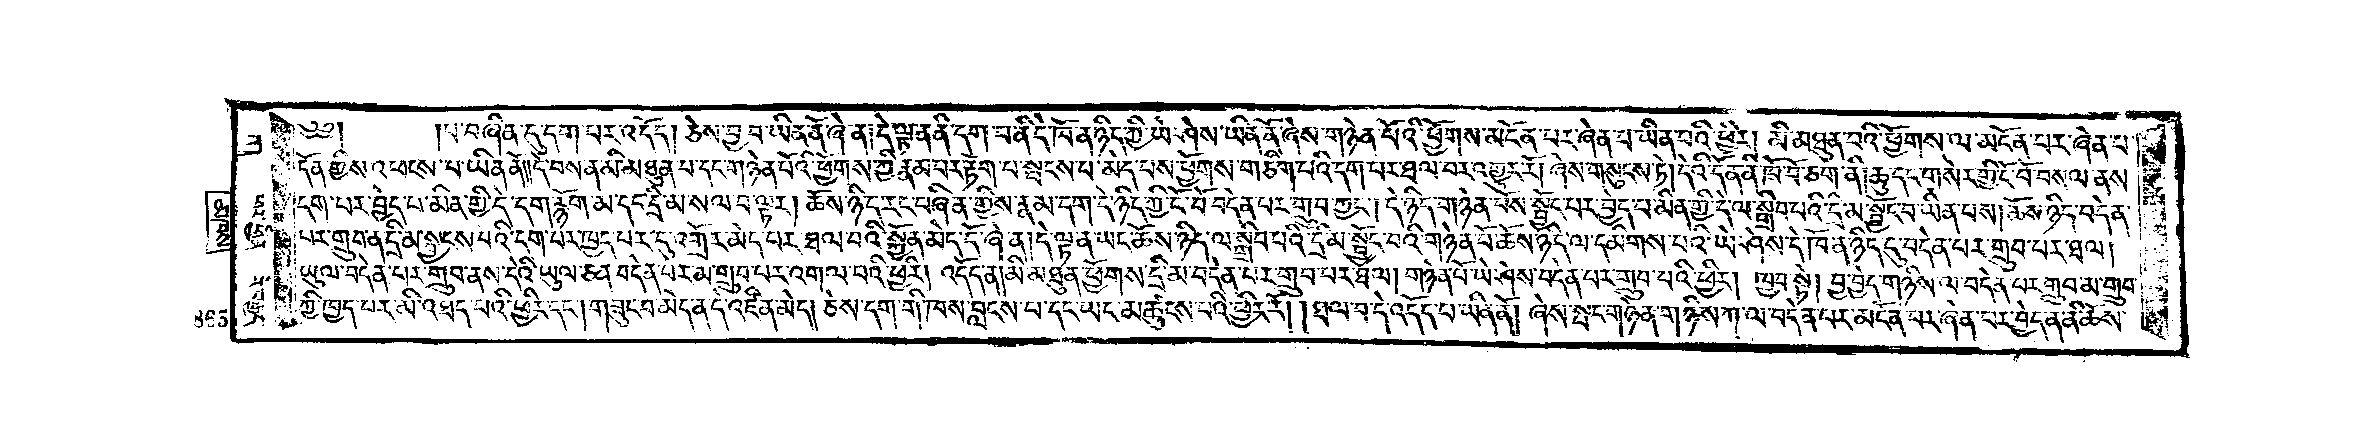༄༅། །པ་བཞིན་དུ་དག་པར་འདོད། ཅེས་བྱ་བ་ཡིན་ནོ་ཞེ་ན། དེ་ལྟ་ན་ནི་དག་པ་ནི་དེ་ཁོ་ན་ཉིད་ཀྱི་ཡེ་ཤེས་ཡིན་ནོ་ཞེས་གཉེན་པོའི་ཕྱོགས་མངོན་པར་ཞེན་པ་ཡིན་པའི་ཕྱིར། མི་མཐུན་པའི་ཕྱོགས་ལ་མངོན་པར་ཞེན་པ་
དོན་གྱིས་འཕངས་པ་ཡིན་ནོ། །དེ་བས་ན་མི་མཐུན་པ་དང་གཉེན་པོའི་ཕྱོགས་ཀྱི་རྣམ་པར་རྟོག་པ་སྤངས་པ་མེད་པས་ཕྱོགས་གཅིག་པའི་དག་པར་ཐལ་བར་འགྱུར་རོ། ཞེས་གསུངས་ཏེ། དེའི་དོན་ནི་ཁོ་བོ་ཅག་ནི། ཆུ་དང་གསེར་གྱི་ངོ་བོ་བསལ་ནས་
དག་པར་བྱེད་པ་མིན་གྱི་དེ་དག་རྙོག་མ་དང་དྲི་མ་སལ་བ་ལྟར། ཆོས་ཉིད་རང་བཞིན་གྱིས་རྣམ་དག་དེ་ཉིད་ཀྱི་ངོ་བོ་བདེན་པར་གྲུབ་ཀྱང་། དེ་ཉིད་གཉེན་པོས་སྦྱོང་པར་བྱེད་པ་མིན་གྱི་དེ་ལ་སྒྲིབ་པའི་དྲི་མ་སྦྱོང་བ་ཡིན་པས། ཆོས་ཉིད་བདེན་
པར་གྲུབ་ན་དྲི་མ་སྦྱངས་པའི་དག་པར་ཁྱད་པར་དུ་འགྲོར་མེད་པར་ཐལ་བའི་སྐྱོན་མེད་དོ་ཞེ་ན། དེ་ལྟ་ན་ཡང་ཆོས་ཉིད་ལ་སྒྲིབ་པའི་དྲི་མ་སྦྱོང་བའི་གཉེན་པོ་ཆོས་ཉིད་ལ་དམིགས་པའི་ཡེ་ཤེས་དེ་ཁོ་ན་ཉིད་དུ་བདེན་པར་གྲུབ་པར་ཐལ།
ཡུལ་བདེན་པར་གྲུབ་ནས་དེའི་ཡུལ་ཅན་བདེན་པར་མ་གྲུབ་པར་འགལ་བའི་ཕྱིར། འདོད་ན། མི་མཐུན་ཕྱོགས་དྲི་མ་བདེན་པར་གྲུབ་པར་ཐལ། གཉེན་པོ་ཡེ་ཤེས་བདེན་པར་གྲུབ་པའི་ཕྱིར། ཁྱབ་སྟེ། བྱ་བྱེད་གཉིས་ལ་བདེན་པར་གྲུབ་མ་གྲུབ་
ཀྱི་ཁྱད་པར་མི་འཐད་པའི་ཕྱིར་དང་། གཟུང་བ་མེད་ན་དེ་འཛིན་མེད། ཅེས་དག་གི་ཁས་བླངས་པ་དང་ཡང་མཚུངས་པའི་ཕྱིར་རོ། །ཐལ་བ་དེ་འདོད་པ་ཡིན་ནོ། ཞེས་སྤང་གཉེན་གཉིས་ཀ་ལ་བདེན་པར་མངོན་པར་ཞེན་པར་བྱེད་ན་ནི་ཆོས་